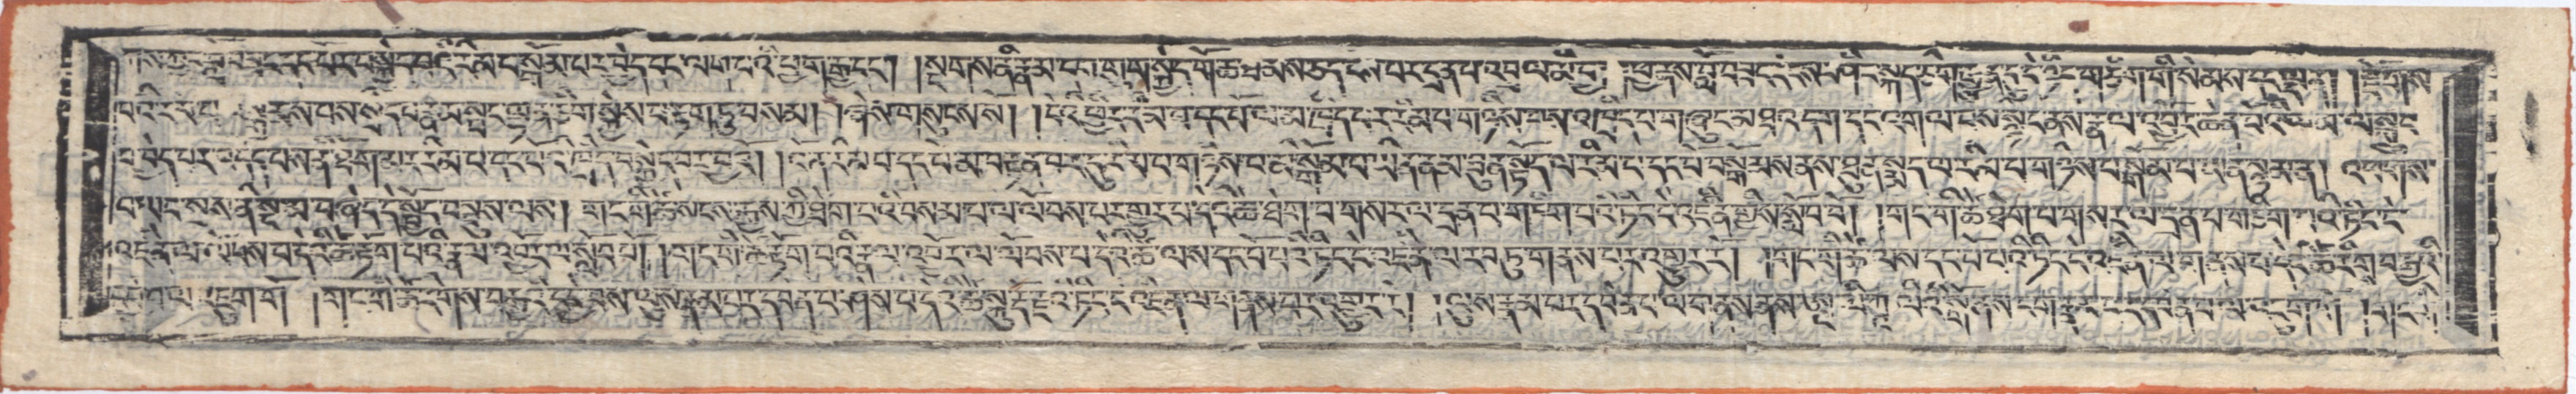ཀས་ཀྱང་བློ་བཟང་དང་པོར་བསྐྱེད་པའི་རིམ་པ་སྒོམ་པར་བྱེད་དང་ལག་པའི་ཕྱག་རྒྱ་དང་། །སྔགས་ནི་རྣམ་དག་གུག་སྐྱེད་གོ་ཆ་ཐམས་ཅད་ངེས་པར་དྲན་པ་འབྲལ་མི་བྱ། །ཕྱ་ནས་བློ་བཟང་རིངས་ཤིང་སྐད་ཅིག་རྒྱུན་དུ་དེ་ཉིད་གཅིག་གི་སེམས་དང་ལྡན། །རྫོགས་
བའི་རིམ་པ་བསྒོམས་པས་སྲིད་པ་རྣམ་སྤང་ལྷན་ཅིག་སྐྱེས་པ་རྟག་ཏུ་བསམ། །ཞེས་གསུངས་སོ། །དེའི་ཕྱིར་རིམ་པ་དང་པོ་ལ་མ་ཁྲིད་པར་རིམ་པ་གཉིས་པས་འཁྲིད་པ་གཞུང་མཐའ་དག་དང་འགལ་བས་སྙིང་ནས་རྣལ་འབྱོར་ཆེན་པོའི་ལམ་ལ་སྒྲུབ་
བ་བྱེད་པར་འདོད་པས་ནི་ཐོག་མར་རིམ་པ་དང་པོའི་ཁྲིད་བསྐྱེད་བར་བྱའོ། །འོ་ན་རིམ་པ་དང་པོ་མ་བརྟན་བར་དུ་རིམ་པ་གཉིས་པ་མི་སྒོམ་པ་ཡིན་ནམ་ཐུན་སྟོད་ལ་རིམ་པ་དང་པོ་བསྒོམས་ནས་ཐུན་སྨད་ལ་རིམ་པ་གཉིས་པ་སྒོམ་པ་ཡན་སྙམ་ན། འཕགས་
པ་ཡང་སྲས་ནི་སྔ་མ་བཞེད་དེ་སྤྱོད་བསྡུས་ལས། གང་གི་ཚེ་སངས་རྒྱས་ཀྱི་ཐེག་པའི་བསམ་པ་ལ་ལོབས་པར་གྱུར་པ་དེའི་ཚེ་ཐེག་པ་གསར་ལ་དྲན་པ་གཅིག་པའི་ཏིང་ངེ་འཛིན་གྱིས་སློབ་བོ། །གང་གི་ཚེ་ཐེག་པ་གསར་ལ་དྲན་པ་གཅིག་པའི་ཏིང་ངེ་
འཛིན་ལ་ལོབས་པ་དེའི་ཚེ་རྟོག་པའི་རྣལ་འབྱོར་ལ་སློབ་པོ། །གང་གི་ཚེ་རྟོག་པའི་རྣལ་འབྱོར་ལ་ལོབས་པ་དེའི་ཚེ་ལས་དང་པོ་པའི་ཏིང་ངེ་འཛིན་ལ་རབ་ཏུ་གནས་པར་འགྱུར་རོ། །གང་གི་ཚེ་ལས་དང་པོ་པའི་ཏིང་ངེ་འཛིན་ལ་གནས་པ་དེའི་ཚེ་རིགས་བརྒྱའི་
དབྱེ་བ་ལ་འཇུག་གོ །གང་གི་ཚེ་རིགས་བརྒྱའི་དབྱེ་བས་ལུས་རྣམ་པར་དབེན་པ་ཤེས་པ་དེའི་ཚེ་སྐུ་རྡོ་རྗེའི་ཏིང་ངེ་འཛིན་ལ་གནས་པར་འགྱུར་རོ། །ལུས་རྣམ་པར་དབེན་པ་ལ་གནས་ནས་ཨཱ་ལི་ཀཱ་ལིའ་སྒོ་ནས་ངག་རྣམ་པར་དབེན་པ་ལ་འཇུག་གོ །གང་གི་